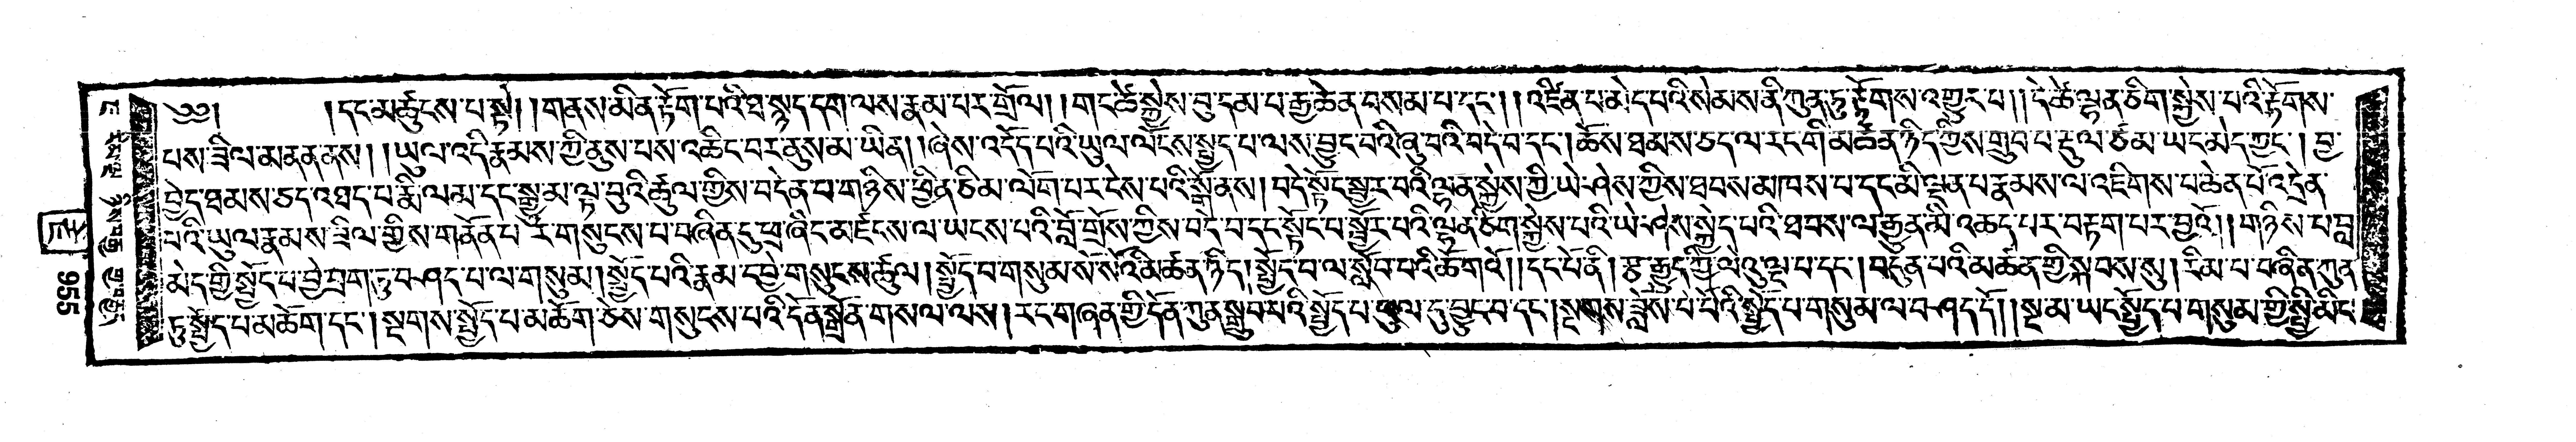༄༅། །དང་མཚུངས་པ་སྟེ། །གནས་མིན་རྟོག་པའི་ཐ་སྙད་དག་ལས་རྣམ་པར་གྲོལ། །གང་ཚེ་སྐྱེས་བུ་དམ་པ་རྒྱ་ཆེན་བསམ་པ་དང་། །འཛིན་པ་མེད་པའི་སེམས་ནི་ཀུན་ཏུ་རྟོགས་འགྱུར་པ། །དེ་ཚེ་ལྷན་ཅིག་སྐྱེས་པའི་རྟོགས་
པས་ཟིལ་མནན་ནས། །ཡུལ་འདི་རྣམས་ཀྱི་ནུས་པས་འཆིང་བར་ནུས་མ་ཡིན། །ཞེས་འདོད་པའི་ཡུལ་ལོངས་སྤྱད་པ་ལས་བྱུང་བའི་ཞུ་བའི་བདེ་བ་དང་། ཆོས་ཐམས་ཅད་ལ་རང་གི་མཚན་ཉིད་ཀྱིས་གྲུབ་པ་རྡུལ་ཙམ་ཡང་མེད་ཀྱང་། བྱ་
བྱེད་ཐམས་ཅད་འཐད་པ་རྨི་ལམ་དང་སྒྱུ་མ་ལྟ་བུའི་ཚུལ་གྱིས་བདེན་པ་གཉིས་ཕྱིན་ཅི་མ་ལོག་པར་ངེས་པའི་སྒོ་ནས། བདེ་སྟོང་སྦྱར་བའི་ལྷན་སྐྱེས་ཀྱི་ཡེ་ཤེས་ཀྱིས་ཐབས་མཁས་པ་དང་མི་ལྡན་པ་རྣམས་ལ་འཇིགས་པ་ཆེན་པོ་འདྲེན་
པའི་ཡུལ་རྣམས་ཟིལ་གྱིས་གནོན་པར་གསུངས་པ་བཞིན་དུ་ཕྲ་ཞིང་མཛངས་ལ་ཡངས་པའི་བློ་གྲོས་ཀྱིས་བདེ་བ་དང་སྟོང་པ་སྦྱོར་བའི་ལྷན་ཅིག་སྐྱེས་པའི་ཡེ་ཤེས་སྐྱེད་པའི་ཐབས་ལ་རྒྱུན་མི་འཆད་པར་བརྟག་པར་བྱའོ། །གཉིས་པ་བླ་
མེད་ཀྱི་སྤྱོད་པ་བྱེ་བྲག་ཏུ་བཤད་པ་ལ་གསུམ། སྤྱོད་པའི་རྣམ་དབྱེ་གསུངས་ཚུལ། སྤྱོད་པ་གསུམ་སོ་སོའི་མཚན་ཉིད། སྤྱོད་པ་ལ་སློབ་པའི་ཆོ་གའོ། །དང་པོ་ནི། རྩ་རྒྱུད་ཀྱི་ལེའུ་ལྔ་པ་དང་། བདུན་པའི་མཚན་གྱི་སྐབས་སུ། རིམ་པ་བཞིན་ཀུན་
ཏུ་སྤྱོད་པ་མཆོག་དང་། སྔགས་སྤྱོད་པ་མཆོག་ཅེས་གསུངས་པའི་དོན་སྒྲོན་གསལ་ལས། རང་གཞན་གྱི་དོན་ཀུན་སྒྲུབ་པའི་སྤྱོད་པ་ཕུལ་དུ་བྱུང་བ་དང་། སྔགས་ཟློས་པ་པོའི་སྤྱོད་པ་གསུམ་ལ་བཤད་དོ། །སྔ་མ་ཡང་སྤྱོད་པ་གསུམ་གྱི་སྤྱི་མིང་